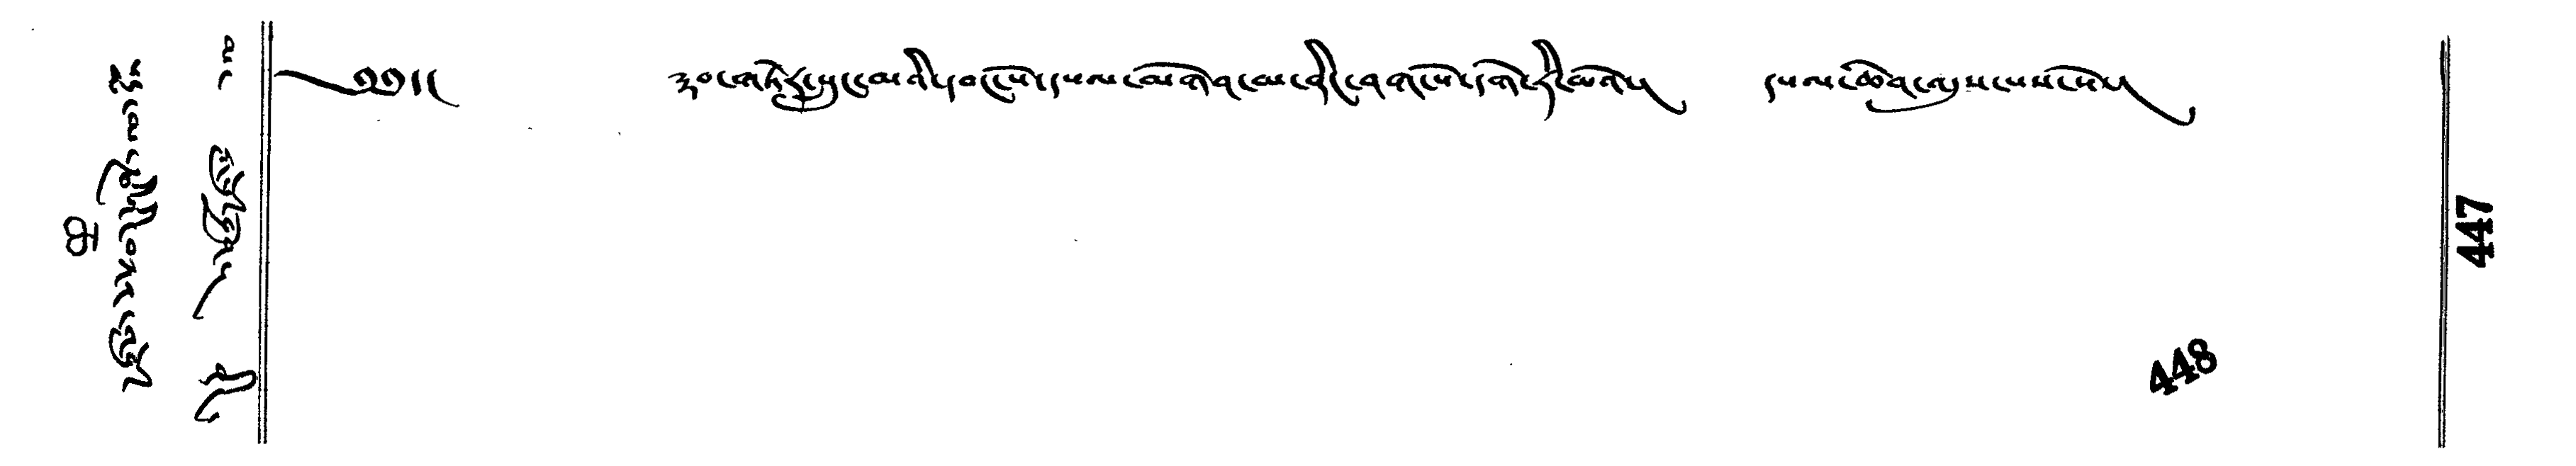ཟབ་གཏེར་སྲུང་མའི་དབང་པོ་དཔལ་མགོན་མ་ནིང་ནག་པོ་དགེ་རི་མའོ།། དཔལ་ཆེན་འདུས་པས་སོ།།